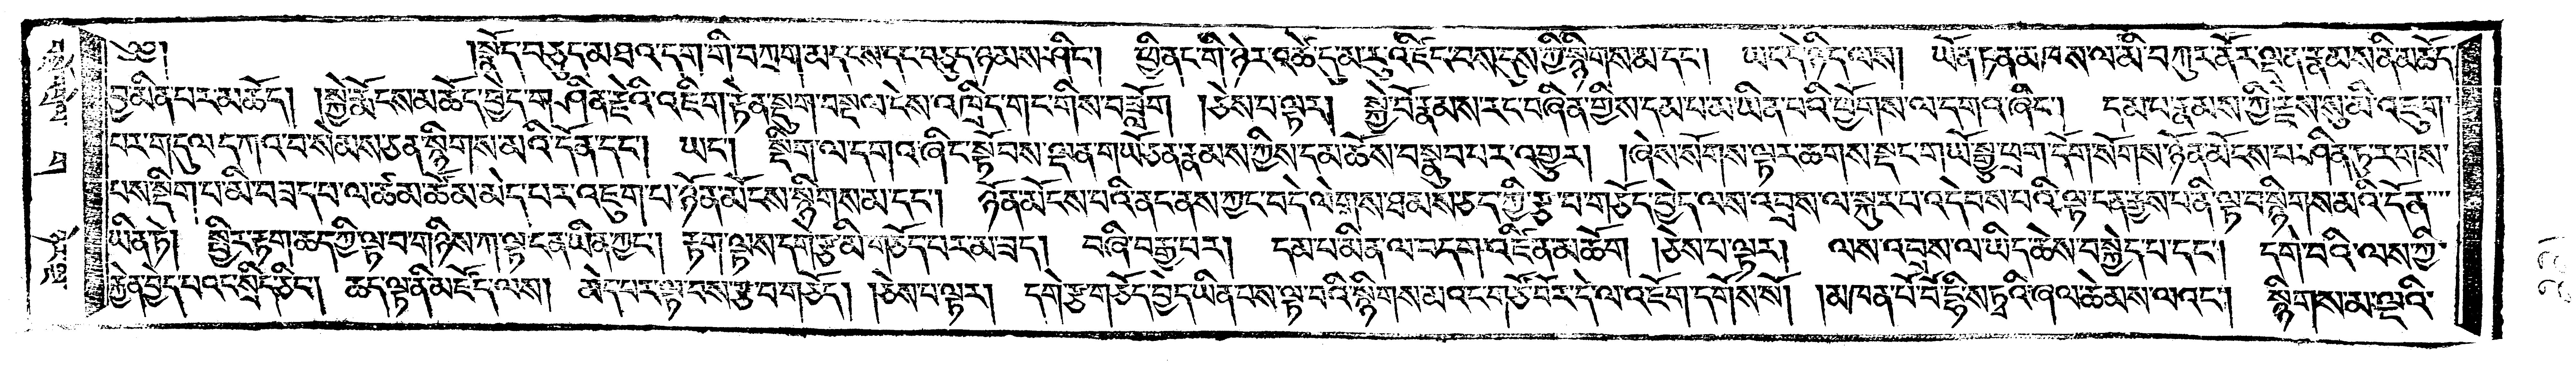༄༅། །སྣོད་བཅུད་མཐའ་དག་གི་བཀྲག་མདངས་དང་བཅུད་ཉམས་ཤིང་། ཕྱི་ནང་གི་ཉེར་འཚེ་དུ་མ་རུ་འཛིང་བས་དུས་ཀྱི་སྙིགས་མ་དང་། ཡང་དེ་ཉིད་ལས། ཡོན་ཏན་མཁས་ལ་མི་བཀུར་ནོར་ལྡན་རྣམས་ནི་མཆོད་
བྱ་མིན་པར་མཆོད། །སྐྱེ་རྨོངས་མཆོད་བྱེད་གཤིན་རྗེའི་འཇིག་རྟེན་སྡུག་བསྔལ་ངེས་འཁྲིད་གང་གིས་བཟློག །ཅེས་པ་ལྟར། སྐྱེ་བོ་རྣམས་རང་བཞིན་གྱིས་དམ་པ་མ་ཡིན་པའི་ཕྱོགས་ལ་དགའ་ཞིང་། དམ་པ་རྣམས་ཀྱི་རྗེས་སུ་མི་འཇུག་
པར་གདུལ་དཀའ་བ་སེམས་ཅན་སྙིགས་མའི་དོན་དང་། ཡང་། སྡིག་ལ་དགའ་ཞིང་སྟོབས་ལྡན་གཡོ་ཅན་རྣམས་ཀྱིས་དམ་ཆོས་བསྣུབ་པར་འགྱུར། །ཞེས་སོགས་ལྟར་ཆགས་སྡང་གཡོ་སྒྱུ་ཕྲག་དོག་སོགས་ཉོན་མོངས་པ་ཤིན་ཏུ་རགས་
པས་སྡིག་པ་མི་བཟད་པ་ལ་ཚམ་ཚོམ་མེད་བར་འཇུག་པ་ཉོན་མོངས་སྙིགས་མ་དང་། ཉོན་མོངས་པའི་ནང་ནས་ཀྱང་བདེ་ལེགས་ཐམས་ཅད་ཀྱི་རྩ་བ་གཅོད་བྱེད་ལས་འབྲས་ལ་སྐུར་པ་འདེབས་པའི་ལྟ་ངན་རྒྱས་པ་ནི་ལྟ་བ་སྙིགས་མའི་དོན་
ཡིན་ཏེ། སྤྱིར་རྟག་ཆད་ཀྱི་ལྟ་བ་གཉིས་ཀ་ལྟ་ངན་ཡིན་ཀྱང་། རྟག་ལྟས་དགེ་རྩ་མི་གཅོད་པར་མ་ཟད། བཞི་བརྒྱ་པར། དམ་པ་མིན་ལ་བདག་འཛིན་མཆོག །ཅེས་པ་ལྟར། ལས་འབྲས་ལ་ཡིད་ཆེས་བསྐྱེད་པ་དང་། དགེ་བའི་ལས་ཀྱི་
རྐྱེན་བྱེད་པའང་སྲིད་ཅིང་། ཆད་ལྟ་ནི་མཛོད་ལས། མེད་བར་ལྟ་བས་རྩ་བ་གཅོད། །ཅེས་པ་ལྟར། དགེ་རྩ་གཅོད་བྱེད་ཡིན་པས་ལྟ་བའི་སྙིགས་མའང་གཙོ་བོར་དེ་ལ་འཇོག་དགོས་སོ། །མཁན་པོ་བོ་དྷི་སཏྭའི་ཞལ་ཆེ་མས་ལའང་། སྙིགས་མ་ལྔའི་